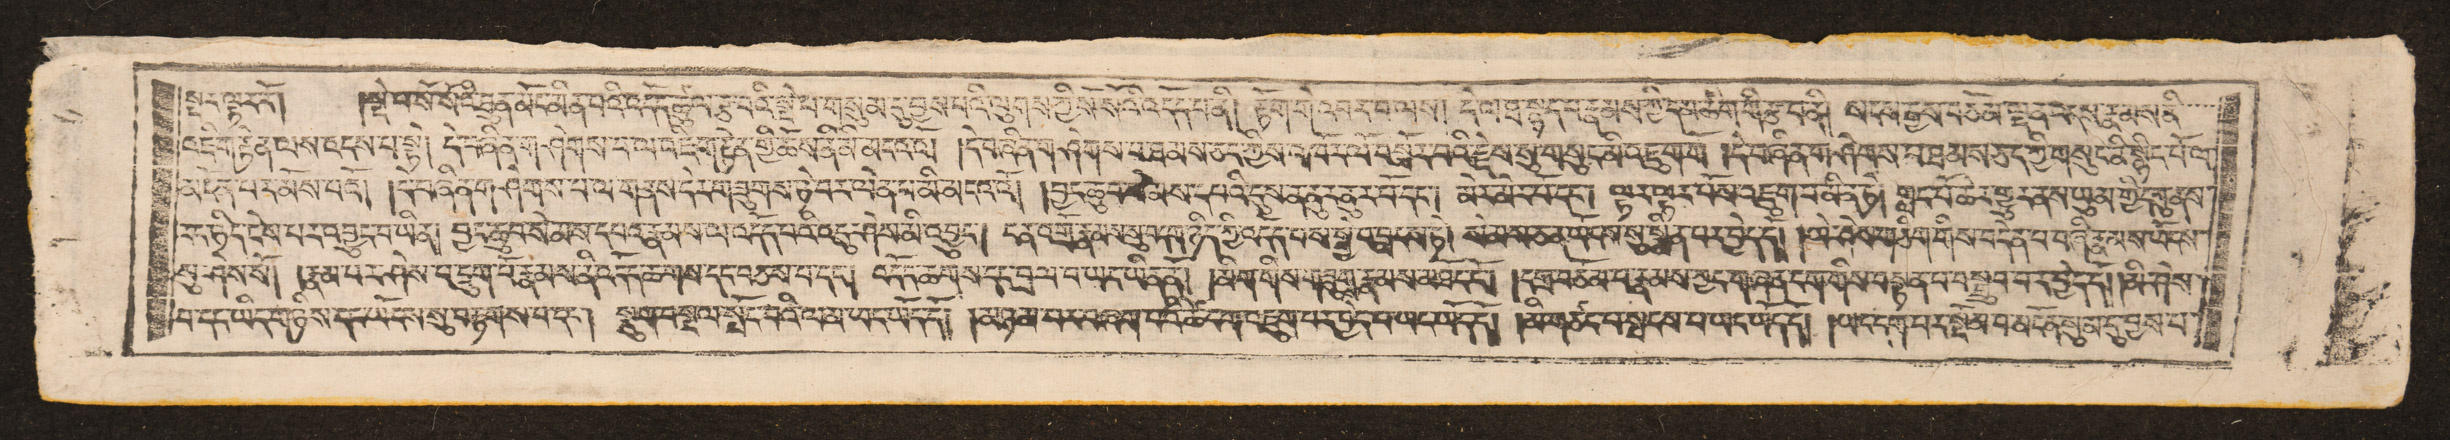སྔར་ལྟར་རོ། །སྡེ་པ་སོ་སོའི་ཐུན་མོང་མིན་པའི་འདོད་ཚུལ་རྩ་བའི་སྡེ་པ་གསུམ་དུ་བྱས་པའི་ལུགས་ཀྱི་སོ་སོའི་འདོད་པ་ནི། རྟོག་གེ་འབར་བ་ལས། དེ་ལ་ཐ་སྙད་བ་རྣམས་ཀྱི་དམ་ཚིག་གི་རྩ་བ་ནི། སངས་རྒྱས་བཅོམ་ལྡན་འདས་རྣམས་ནི་
འཇིག་རྟེན་ལས་འདས་པ་སྟེ། དེ་བཞིན་གཤེགས་པ་ལ་འཇིག་རྟེན་གྱི་ཆོས་ནི་མི་མངའ་འོ། །དེ་བཞིན་གཤེགས་པ་ཐམས་ཅད་ཀྱིས་འཁོར་ལོ་བསྐོར་བའི་རྗེས་སུ་གསུང་མི་འཇུག་གོ །དེ་བཞིན་གཤེགས་པ་ཐམས་ཅད་ཀྱི་གསུང་ནི་སྙིང་པོ་ལ་
མངོན་པར་མོས་པའོ། །དེ་བཞིན་གཤེགས་པ་ལ་གནས་དེར་གཟུགས་ཉེ་བར་ལེན་པ་མི་མངའ་འོ། །བྱང་ཆུབ་སེམས་དཔའི་དུས་ན་ནུར་ནུར་པོ་དང་། མེར་མེར་པོ་དང་། ལྟར་ལྟར་པོས་འཇུག་པ་མིན་ཏེ། གླང་པོ་ཆེར་གྱུར་ནས་ཡུམ་གྱི་དཀུ་ནས་
རང་ཉིད་ངེས་པར་འབྱུང་བ་ཡིན། བྱང་ཆུབ་སེམས་དཔའ་རྣམས་ལ་འདོད་པའི་འདུ་ཤེས་མི་འབྱུང་། ངན་འགྲོ་རྣམས་སུ་བདག་ཉིད་ཀྱི་འདོད་པས་སྐྱེ་བ་བླངས་ཏེ། སེམས་ཅན་ཡོངས་སུ་སྨིན་པར་བྱེད་དོ། །ཡེ་ཤེས་གཅིག་གིས་བདེན་པ་བཞི་རྣམས་ཡོངས་
སུ་ཤེས་སོ། །རྣམ་པར་ཤེས་པ་དྲུག་པོ་རྣམས་ནི་འདོད་ཆགས་དང་བཅས་པ་དང་། འདོད་ཆགས་དང་བྲལ་བ་ཡང་ཡིན་ནོ། །མིག་གིས་གཟུགས་རྣམས་མཐོང་ངོ། །དགྲ་བཅོམ་པ་རྣམས་ཀྱང་གཞན་དག་གིས་བསྟན་པ་བསྒྲུབ་པར་བྱེད་དོ། །མི་ཤེས་
པ་དང་ཡིད་གཉིས་དང་ཡོངས་སུ་བརྟགས་པ་དང་། སྡུག་བསྔལ་སྤོང་བའི་ལམ་ཡང་ཡོད་དོ། །མཉམ་པར་བཞག་པའི་ཚེ་དག་འཇུག་པར་བྱེད་བ་ཡང་ཡོད་དོ། །མི་གཙང་པ་སྤངས་བ་ཡང་ཡོད་དོ། །ཡང་དག་པར་སྡོམ་པ་མངོན་སུམ་དུ་བྱས་པ་